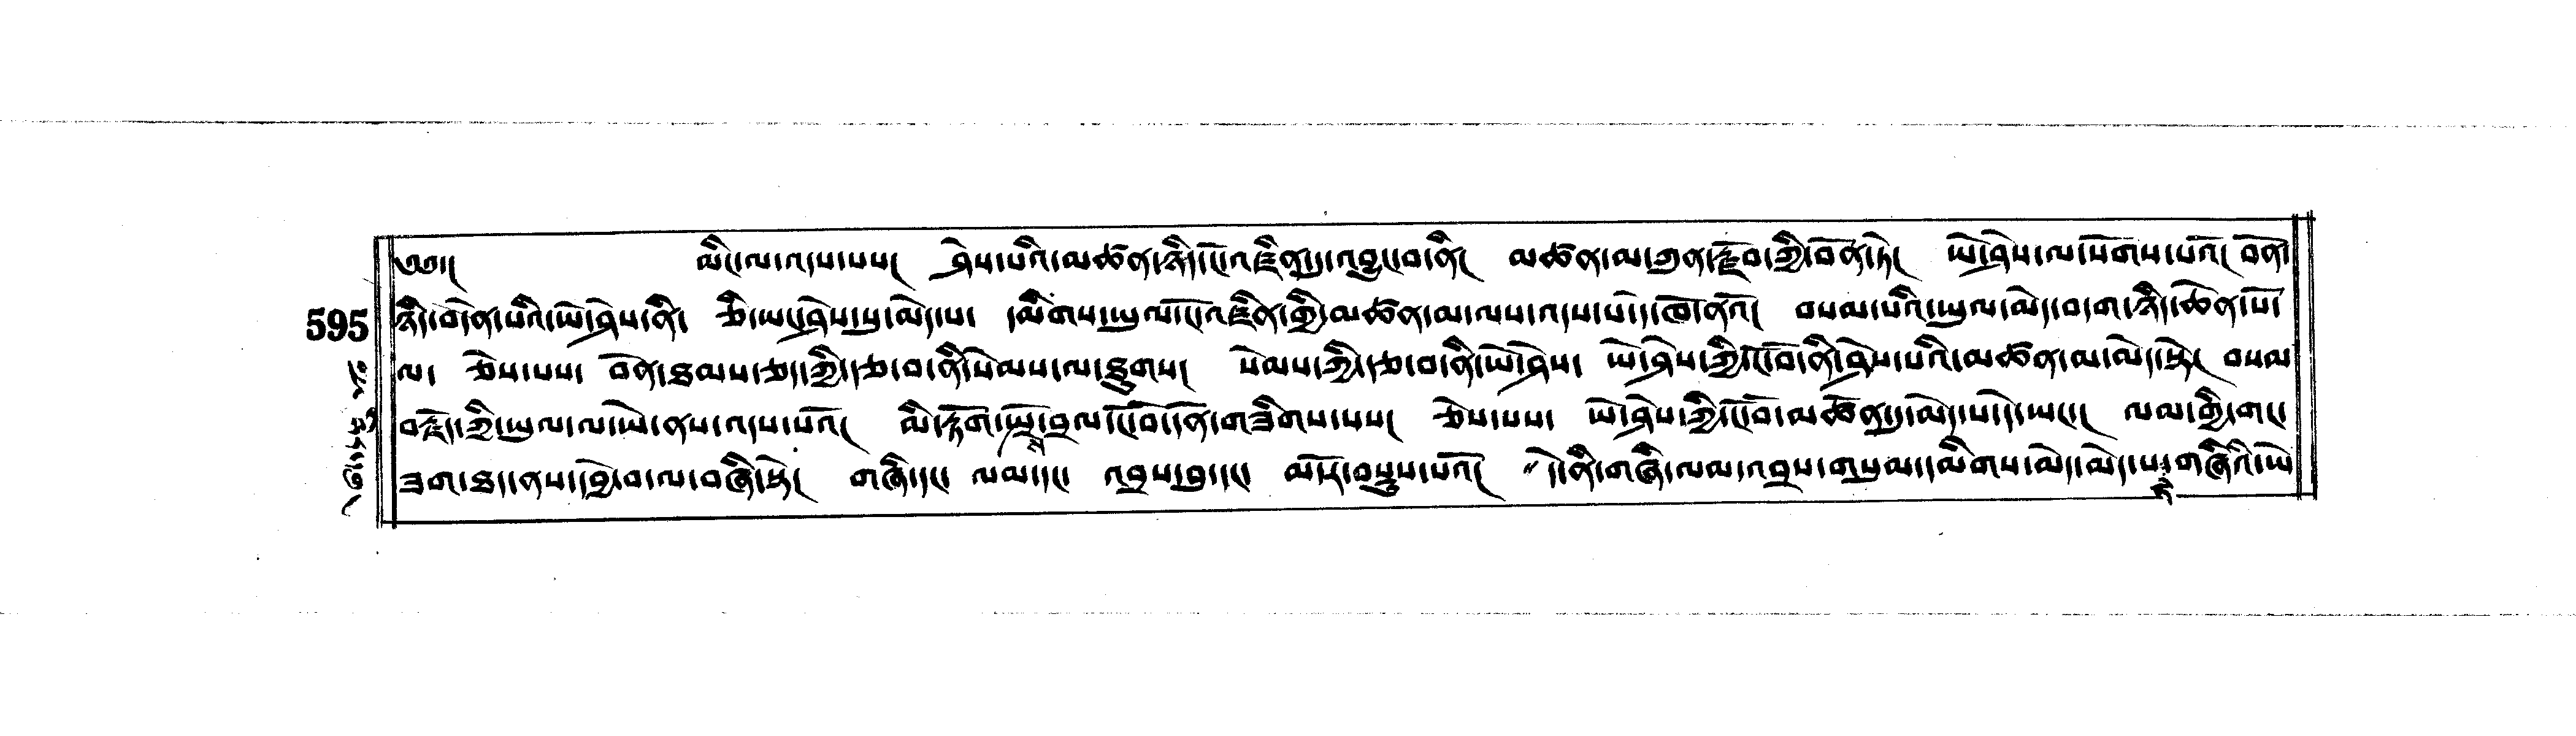མིང་ལ་འདས་པས། ཤེས་པའི་མཚན་ཉིད་ངོ་འཛིན་དུ་འབྱུང་བ་ནི། མཚན་མ་ཀུན་རྫོབ་ཀྱི་བོན་དེ། ཡེ་ཤེས་ལ་སོགས་པའོ། བོན་
ཉིད་བདེན་པའི་ཡེ་ཤེས་ནི། ཅི་ཡང་ཤེས་སུ་མེད་པ། དམིགས་ཡུལ་ངོས་འཛིན་གྱི་མཚན་མ་ལས་འདས་པ་དེ་ཁོ་ནའོ། བསམ་པའི་ཡུལ་མེད་བདག་ཉིད་ཆེན་པོ་
ལ། ཅེས་པས། བོན་ཐམས་ཅད་ཀྱི་རྩ་བ་ནི་སེམས་ལ་ཐུག སེམས་ཀྱི་རྩ་བ་ནི་ཡེ་ཤེས། ཡེ་ཤེས་ཀྱི་ངོ་བོ་ནི་ཤེས་པའི་མཚན་མ་མེད་པ་སྟེ། བསམ་
བརྗོད་ཀྱི་ཡུལ་ལས་ཡེ་ནས་འདས་པའོ། མི་རྟོག་སྤྲོས་བྲལ་ངོ་བོ་དོན་གཟིགས་པས། ཅེས་པས། ཡེ་ཤེས་ཀྱི་ངོ་བོ་མཚོན་དུ་མེད་པ་དེ་ཡང་། ལམ་གྱི་གང་
ཟག་ཐད་ནས་དབྱེ་བ་ལ་བཞི་སྟེ། གཞི་དང་། ལམ་དང་། འབྲས་བུ་དང་། མདོར་བསྡུས་པའོ། དེ་ནི་གཞི་ལམ་འབྲས་གསུམ་དམིགས་མེད་མེད་པ་ནི་གཞིའི་ཡེ་